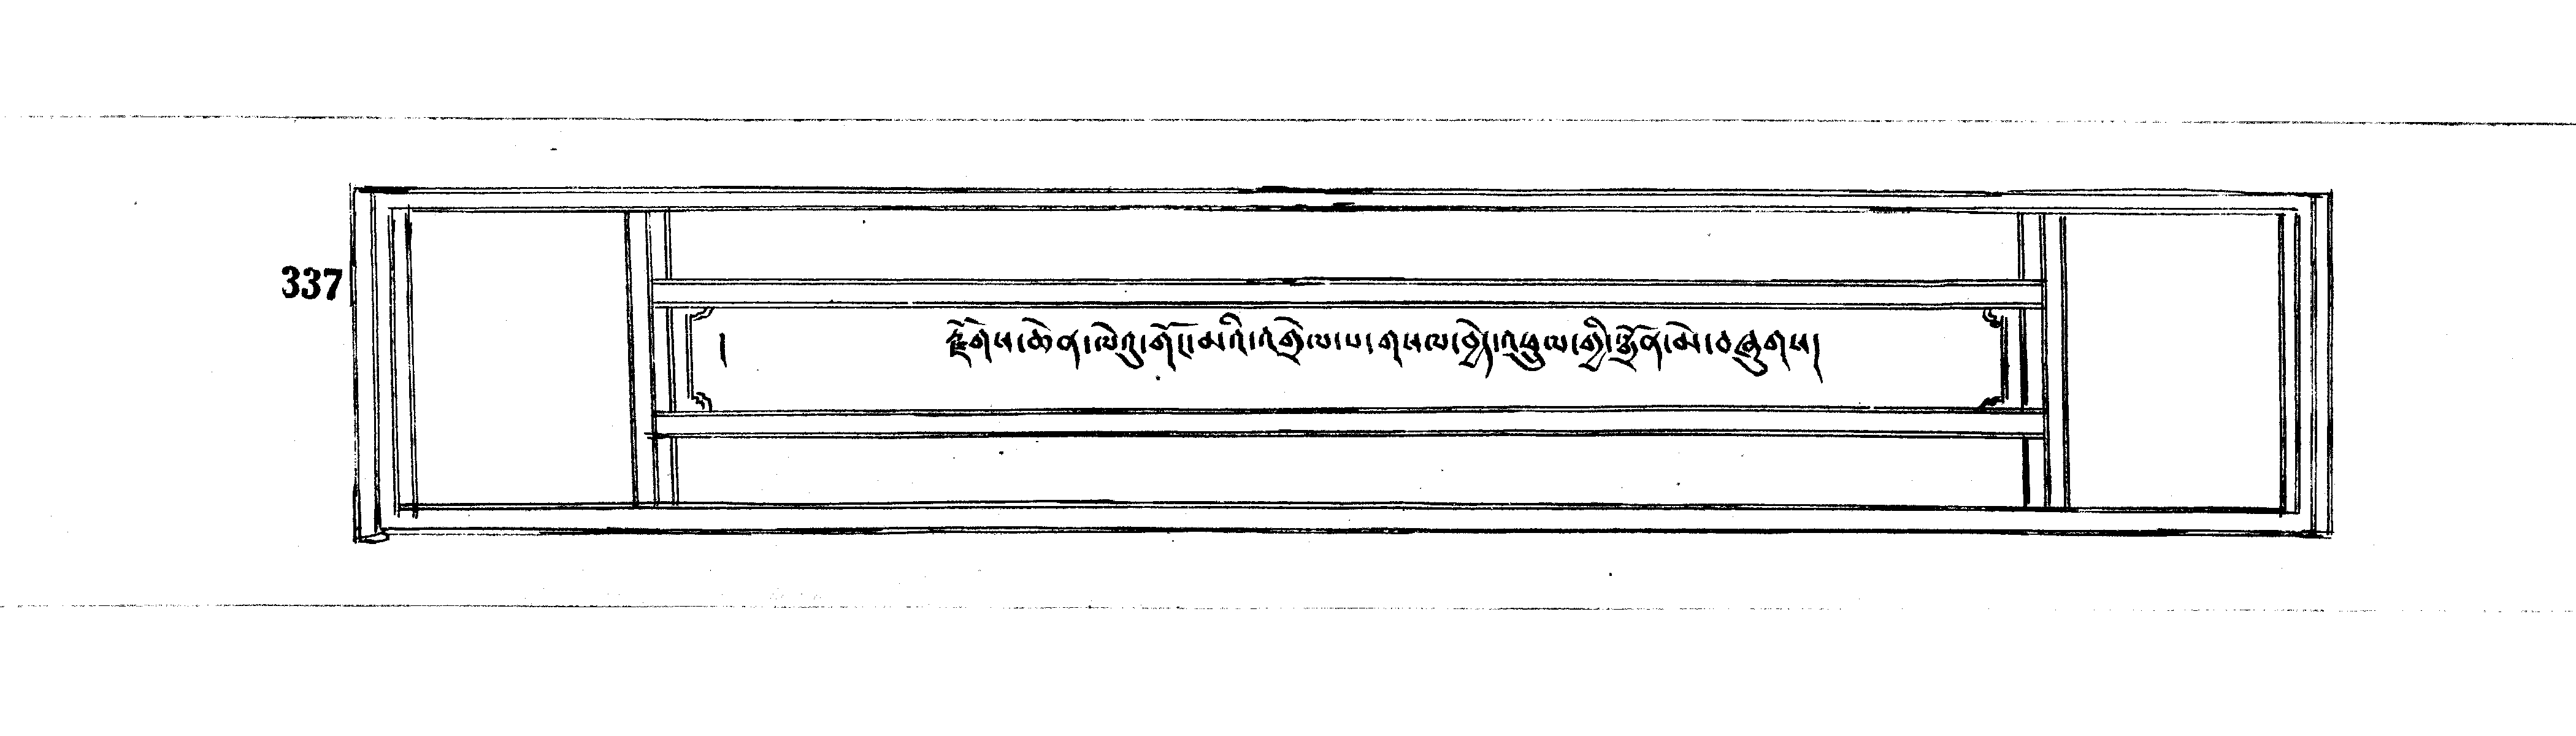རྫོགས་ཆེན་ལེའུ་གོང་མའི་འགྲེལ་བ་གསལ་བྱེད་འཕྲུལ་གྱི་སྒྲོན་མེ་བཞུགས། །